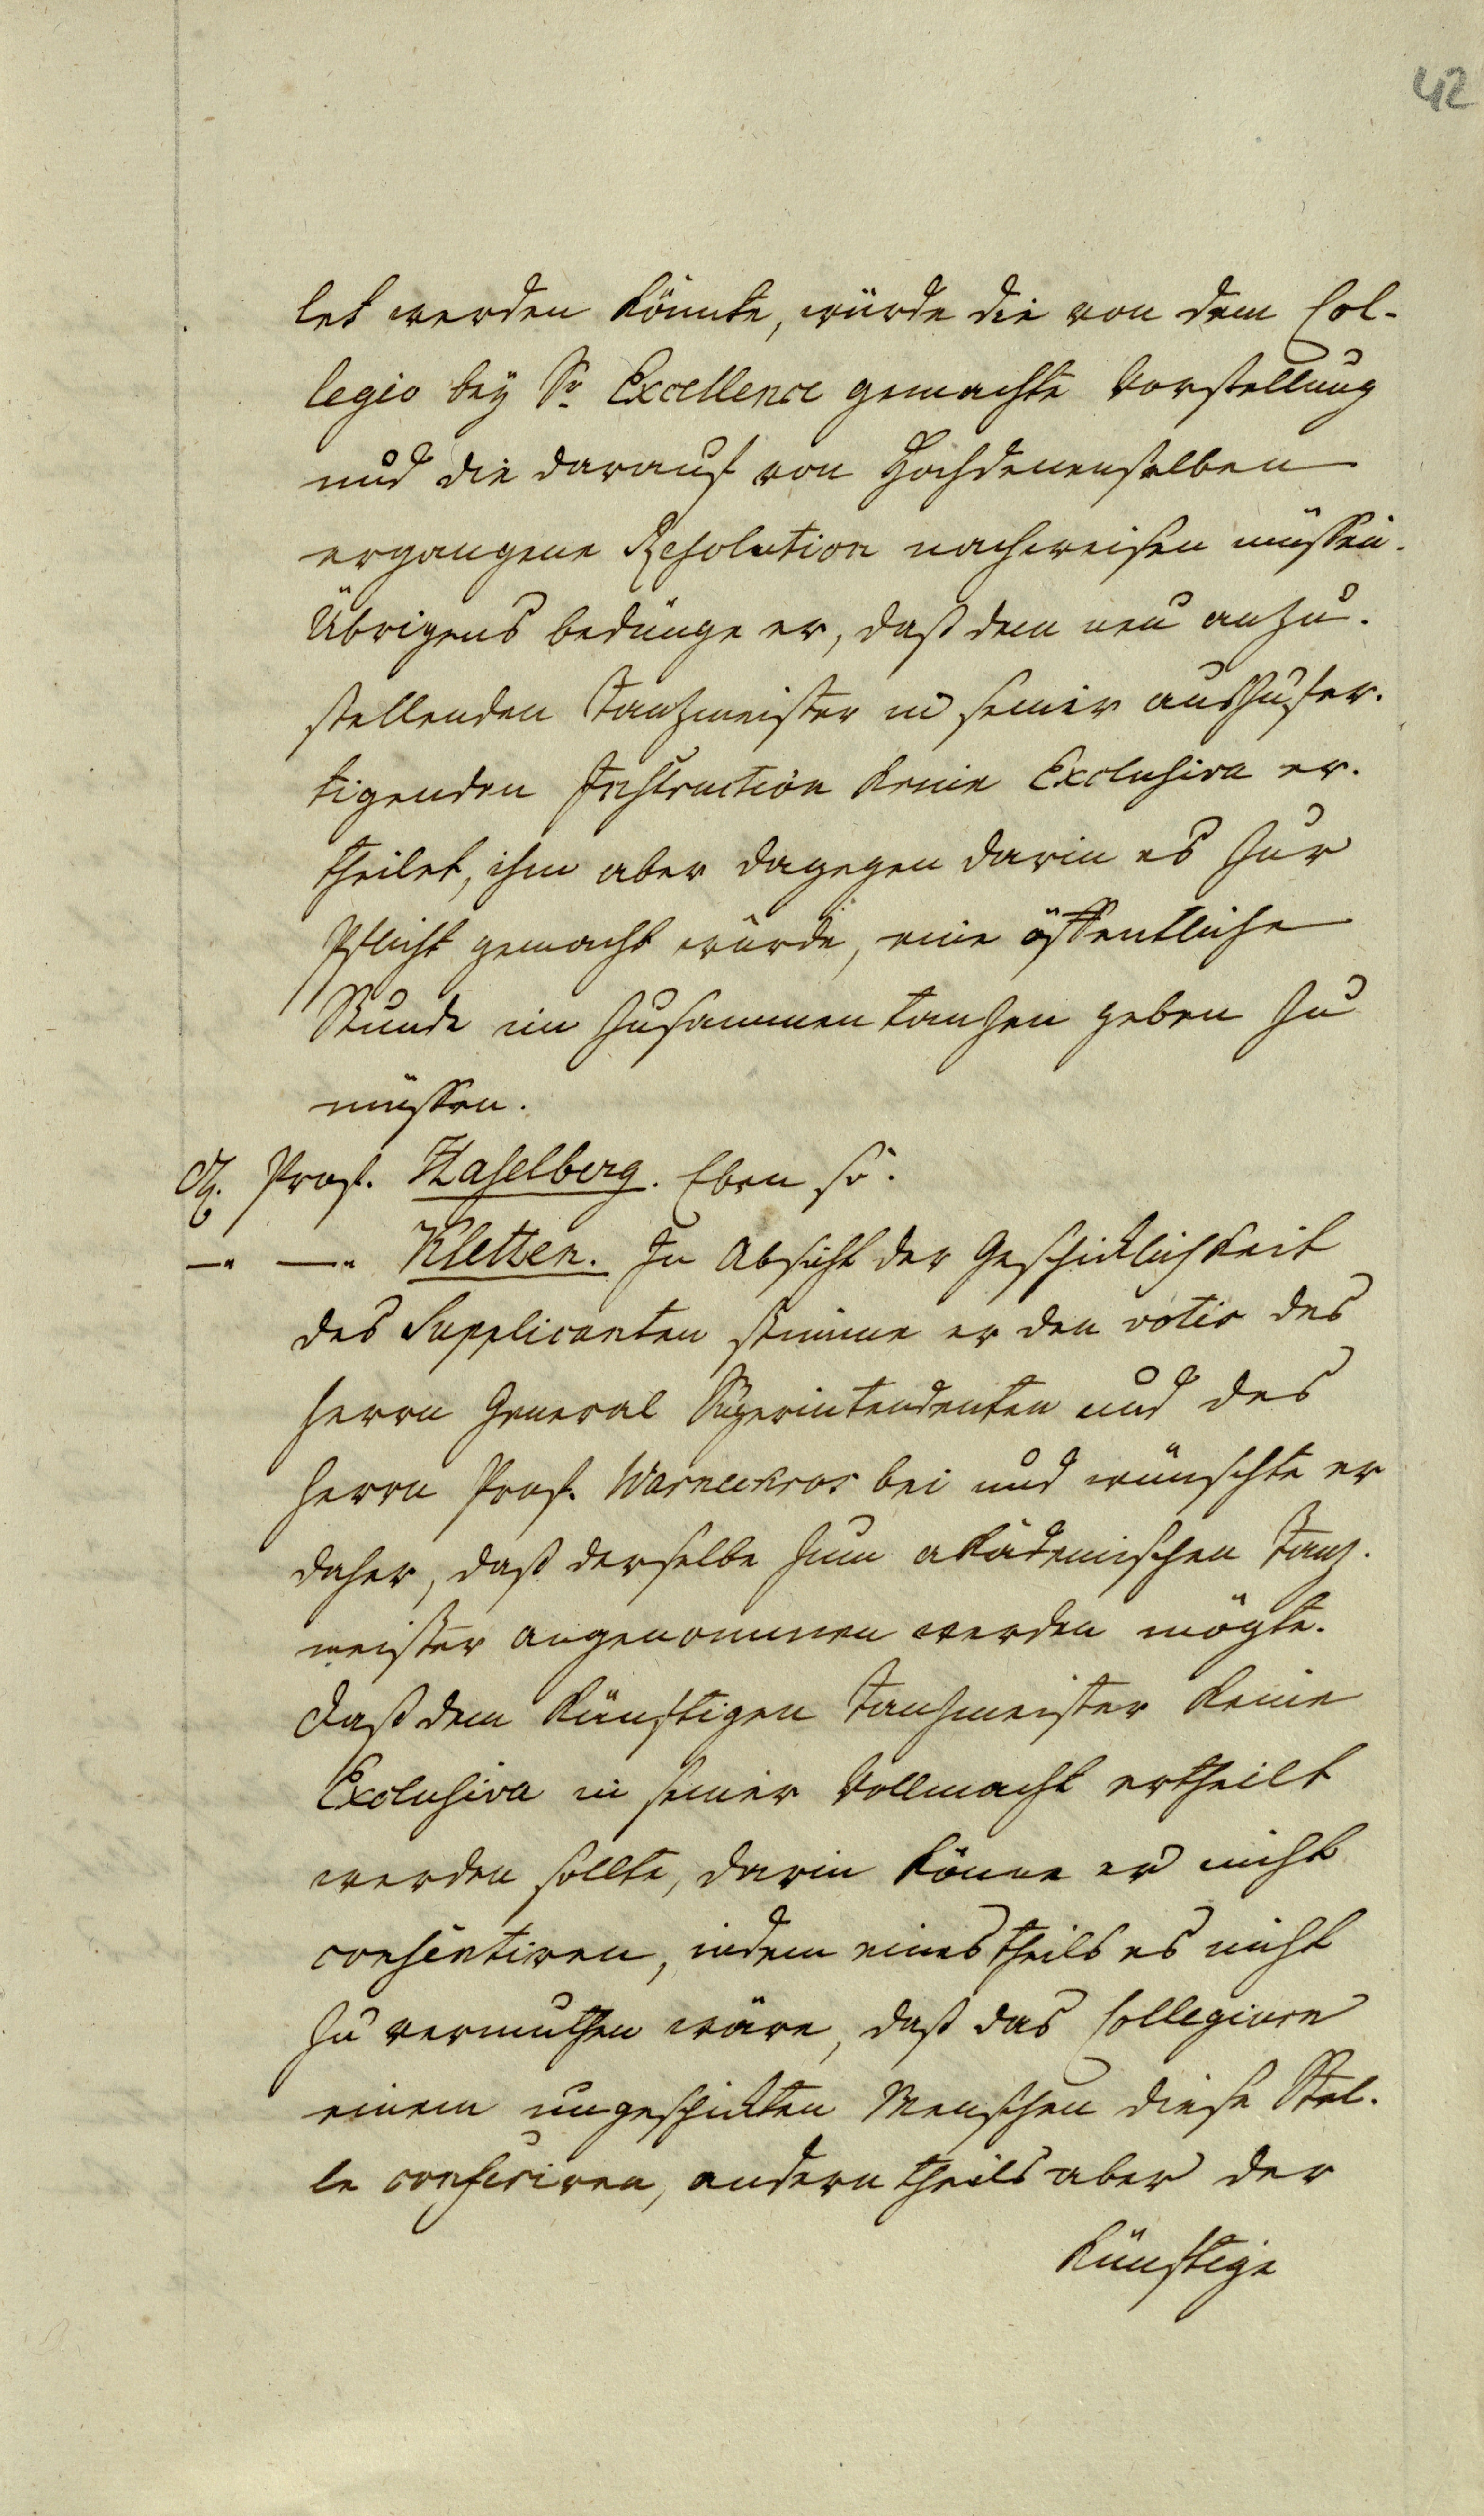let werden könnte, würde die von dem Col¬
legio beÿ Sr. Excellence gemachte Vorstellung
und die darauf von Hochdenenselben
ergangene Resolution nachweisen müssen.
Übrigens bedünge er, daß dem neu anzu¬
stellenden Tanzmeister in seiner auszufer¬
tigenden Instruction keine Exclusiva er¬
theilet, ihm aber dagegen darin es zur
Pflicht gemacht würde, eine öffentliche
Stunde im Zusammentanzen geben zu
müssen.
dh. Prof. Haselberg. Eben so.
— " — " Kletten. In Absicht der Geschicklichkeit
des Supplicanten stimme er den votis des
Herrn General Superintendenten und des
Herrn Prof. Warneckros bei und wünschte er
daher, daß derselbe zum akademischen Tanz¬
meister angenommen werden mögte.
Daß dem künftigen Tanzmeister keine
Exclusiva in seiner Vollmacht ertheilt
werden sollte, darin könne er nicht
consentiren, indem eines theils es nicht
zu vermuthen wäre, daß das Collegium
einem ungeschulten Menschen diese Stel¬
le conferiren, andern theils aber der
künftige